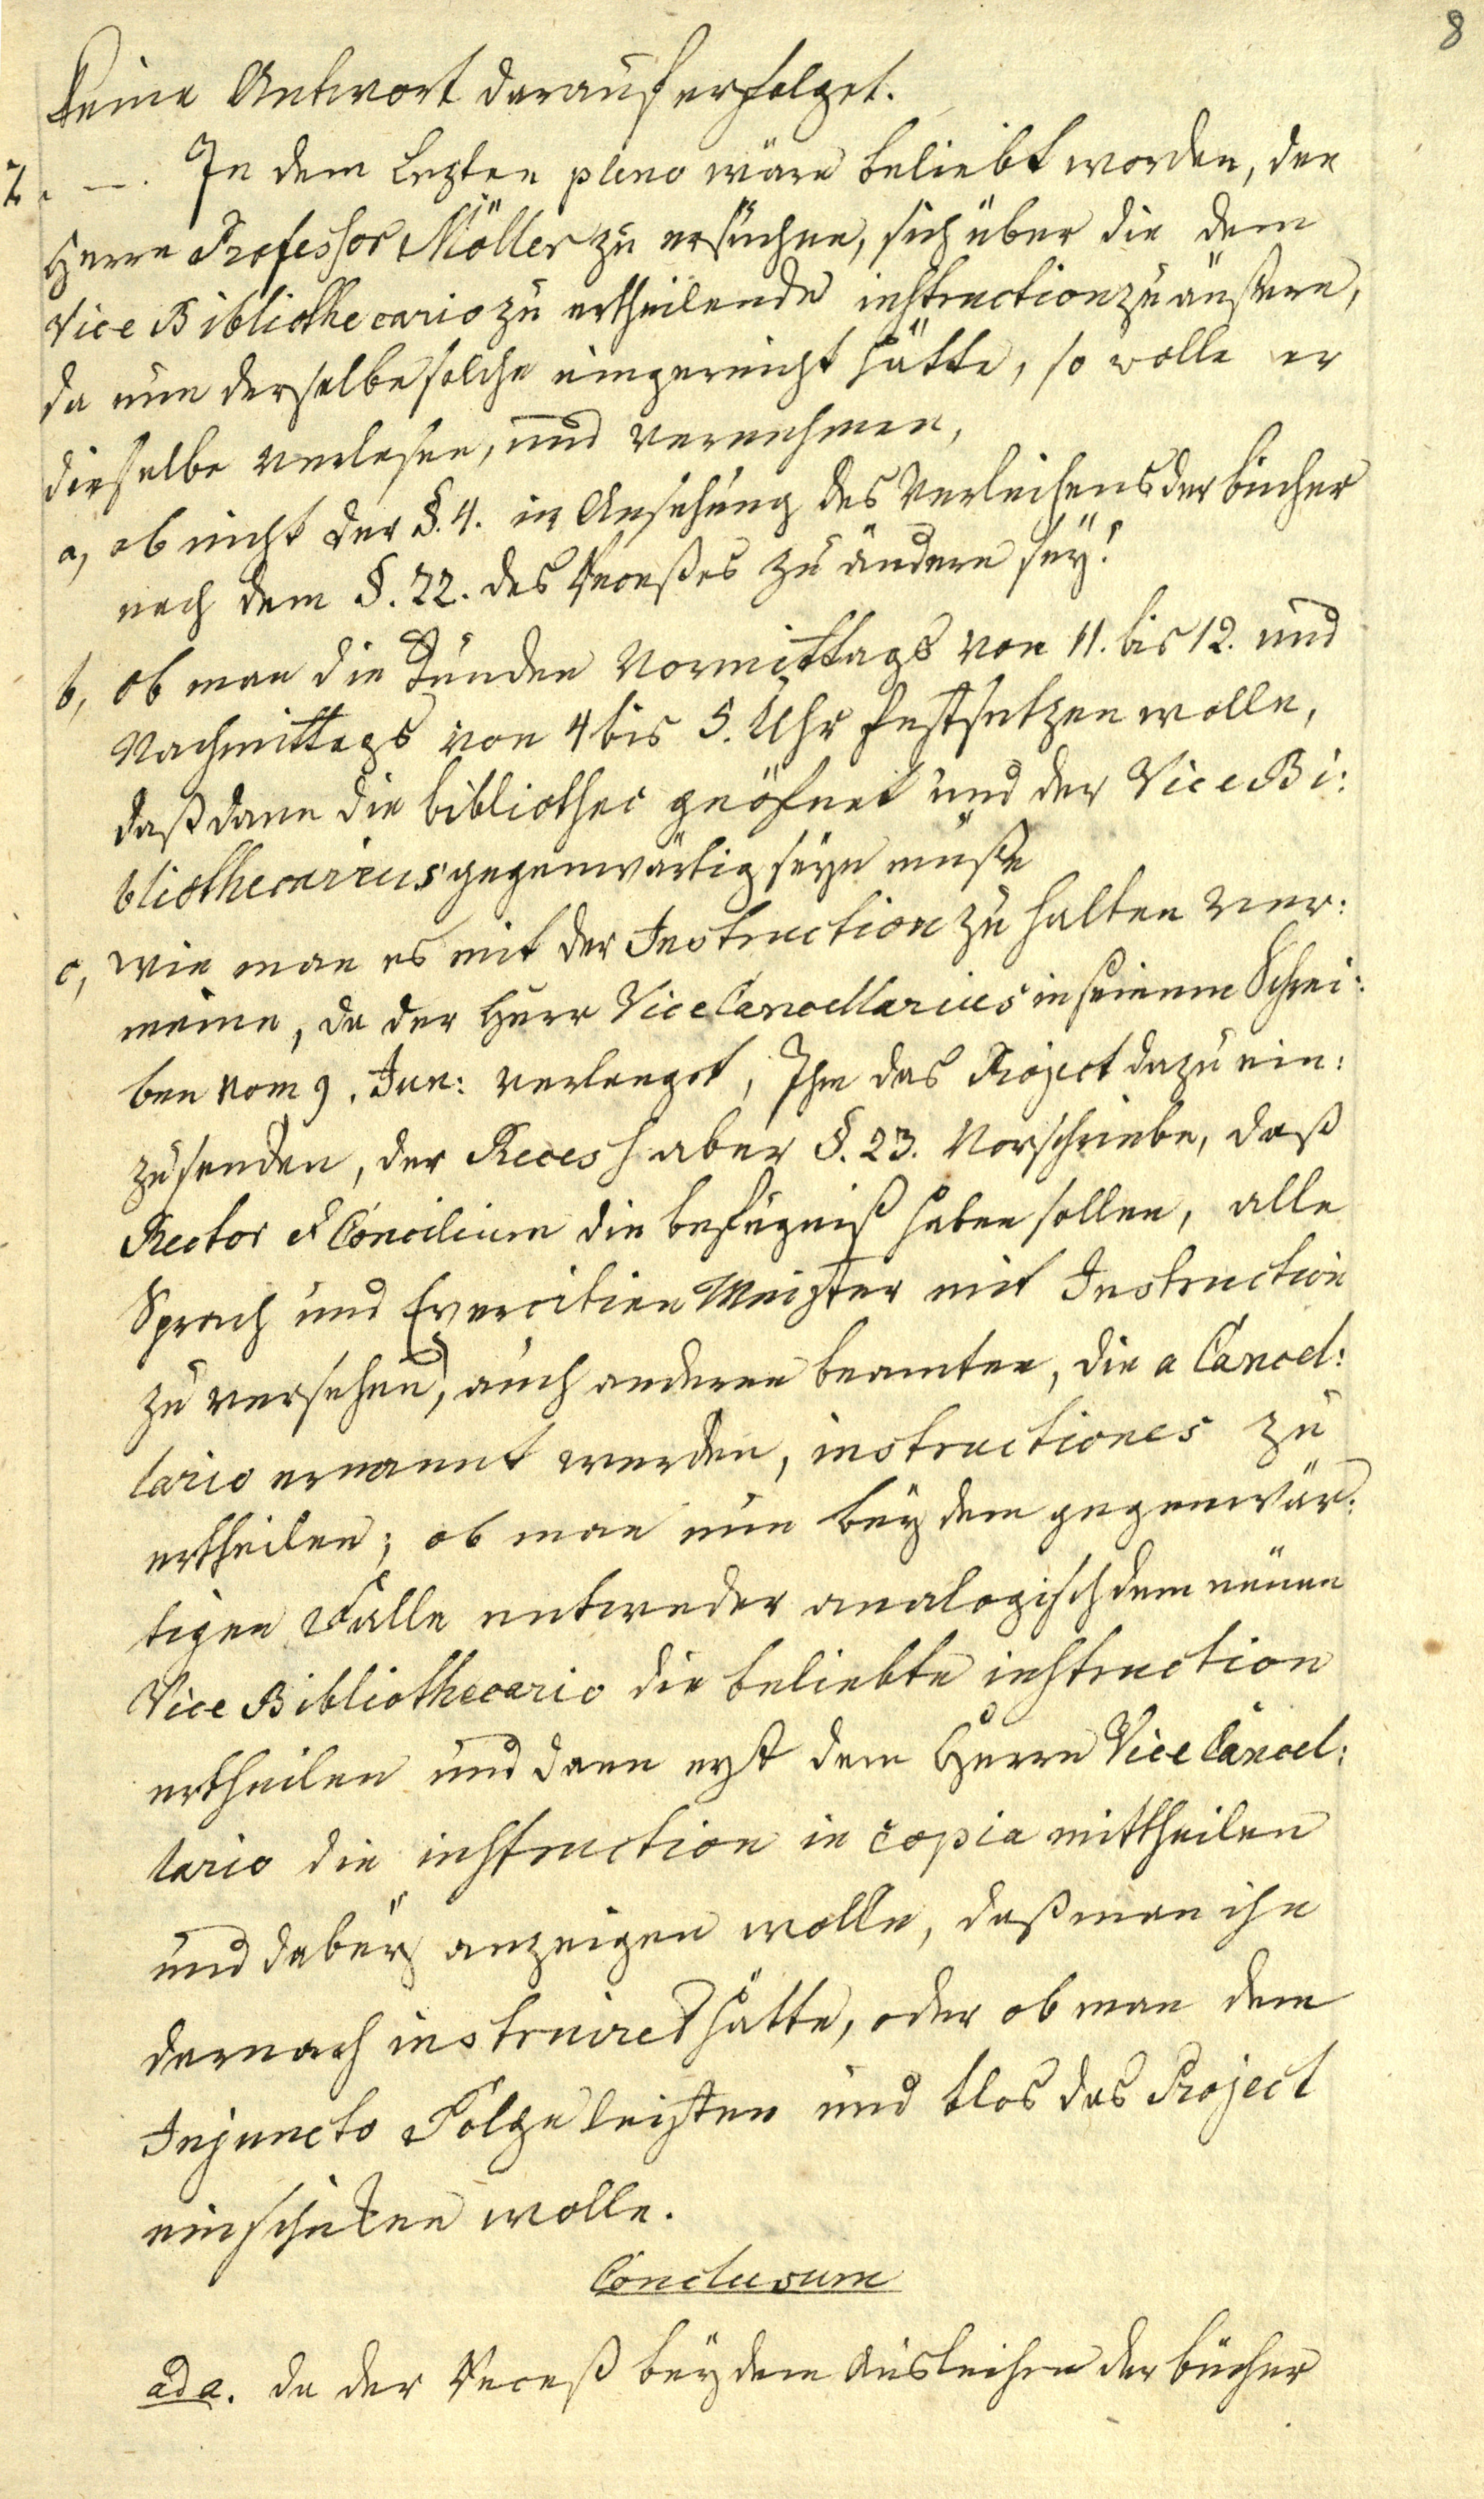keine Antwort darauf erfolget.
1. In dem lezten pleno wäre beliebt worden, den
Herrn Professor Möller zu ersuchen, sich über die dem
Vice Bibliothecario zu ertheilenden instruction zu äußern,
da nun derselbe solche eingereicht hätte, so wolle er
dieselbe verlesen, und vernehmen,
a, ob nicht der § 4. in Ansehung des Verleihens der Bücher
nach dem § 22. des Receßes zu ändern seÿ?
b, ob man die Stunden Vormittags von 11. bis 12. und
Nachmittags von 4 bis 5. Uhr festsetzen wolle,
daß dann in Bibliothec geöfnet und der Vice Bi¬
bliothecarius gegenwärtig seÿn müße
c, wie man es mit der Instruction zu halten ver¬
meine, da der Herr ViceCancellarius in seinem Schrei¬
ben vom 9. Jun. verlanget, Ihm das Project dazu ein¬
zusenden, der Recess aber §. 23 vorschriebe, daß
Rector et Concilium die Befugniß haben sollen, alle
Sprach und Exercitien Meister mit Instruction
zu versehen, auch anderen Beamten, die a Cancel¬
lario ernannt werden, instructiones zu
ertheilen, ob man nun beÿ dem gegenwär¬
tigen Falle entweder analogisch dem neuen
Vice Bibliothecario die beliebte instruction
ertheilen und dann erst den Herrn ViceCancel¬
lario die instruction in copia mittheilen
und dabeÿ anzeigen wolle, daß man ihn
darnach instruiret hätte, oder ob man dem
Injuncto Folge leisten und blos das Project
einschicken wolle.
Conclusum
ad a. da der Receß beÿ dem Ausleihen der Bücher